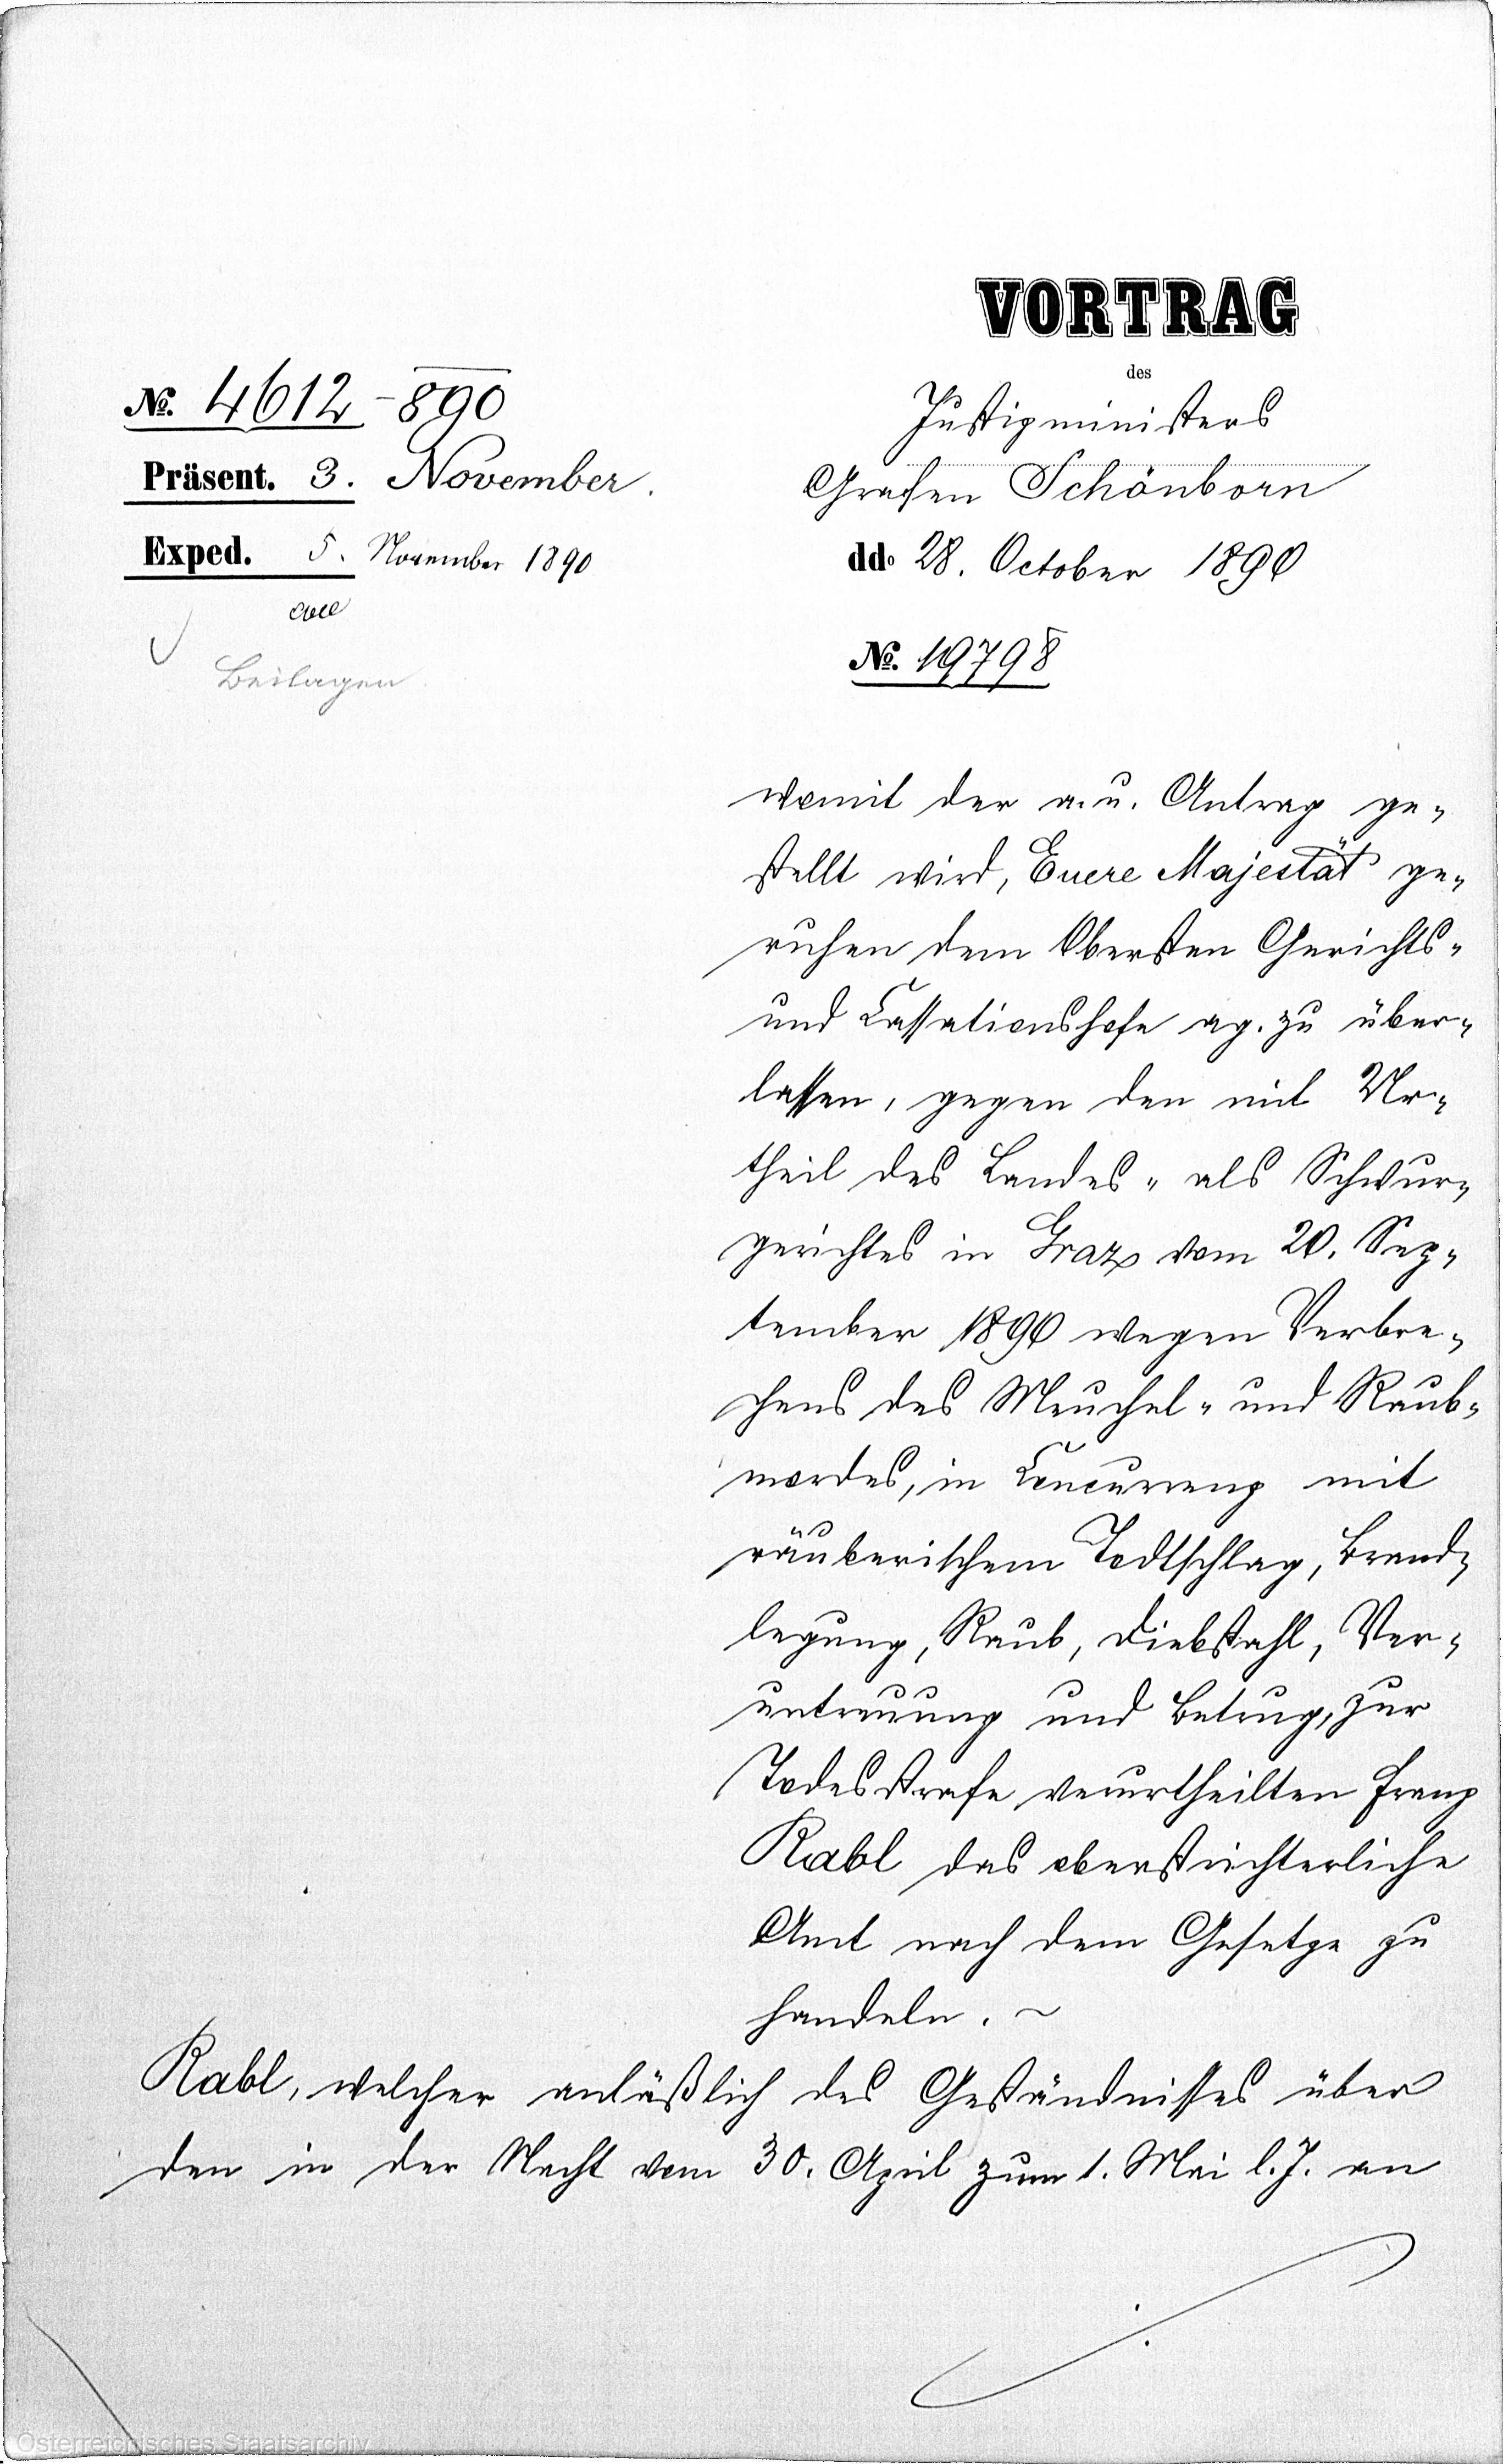Vortrag
des
Justizministers
Grafen Schönborn
ddo 28. October 1890
No. 19798
womit der a. u. Antrag ge¬
stellt wird, Euere Majestät ge¬
ruhen dem Obersten Gerichts-
und Cassationshofe ag. zu über¬
lassen, gegen den mit Ur¬
theil des Landes- als Schwur¬
gerichtes in Graz vom 20. Sep¬
tember 1890 wegen Verbre¬
chens des Meuchel- und Raub¬
mendes, in Concurrenz mit
räuberischen Todtschlag, Brand¬
legung, Raub, Diebstahl, Ver¬
untreuung und Betrug, zur
Todesstrafe verurtheilten Franz
Rabl das oberstrichterliche
Amt nach dem Gesetze zu
handeln.~
Rabl, welcher anläßlich des Geständnisses über
den in der Nacht vom 30. April zum 1. Mai l.J. an
No. 4612 - 890
Präsent. 3. November.
Exped. 5. November 1890
xx
Beilagen